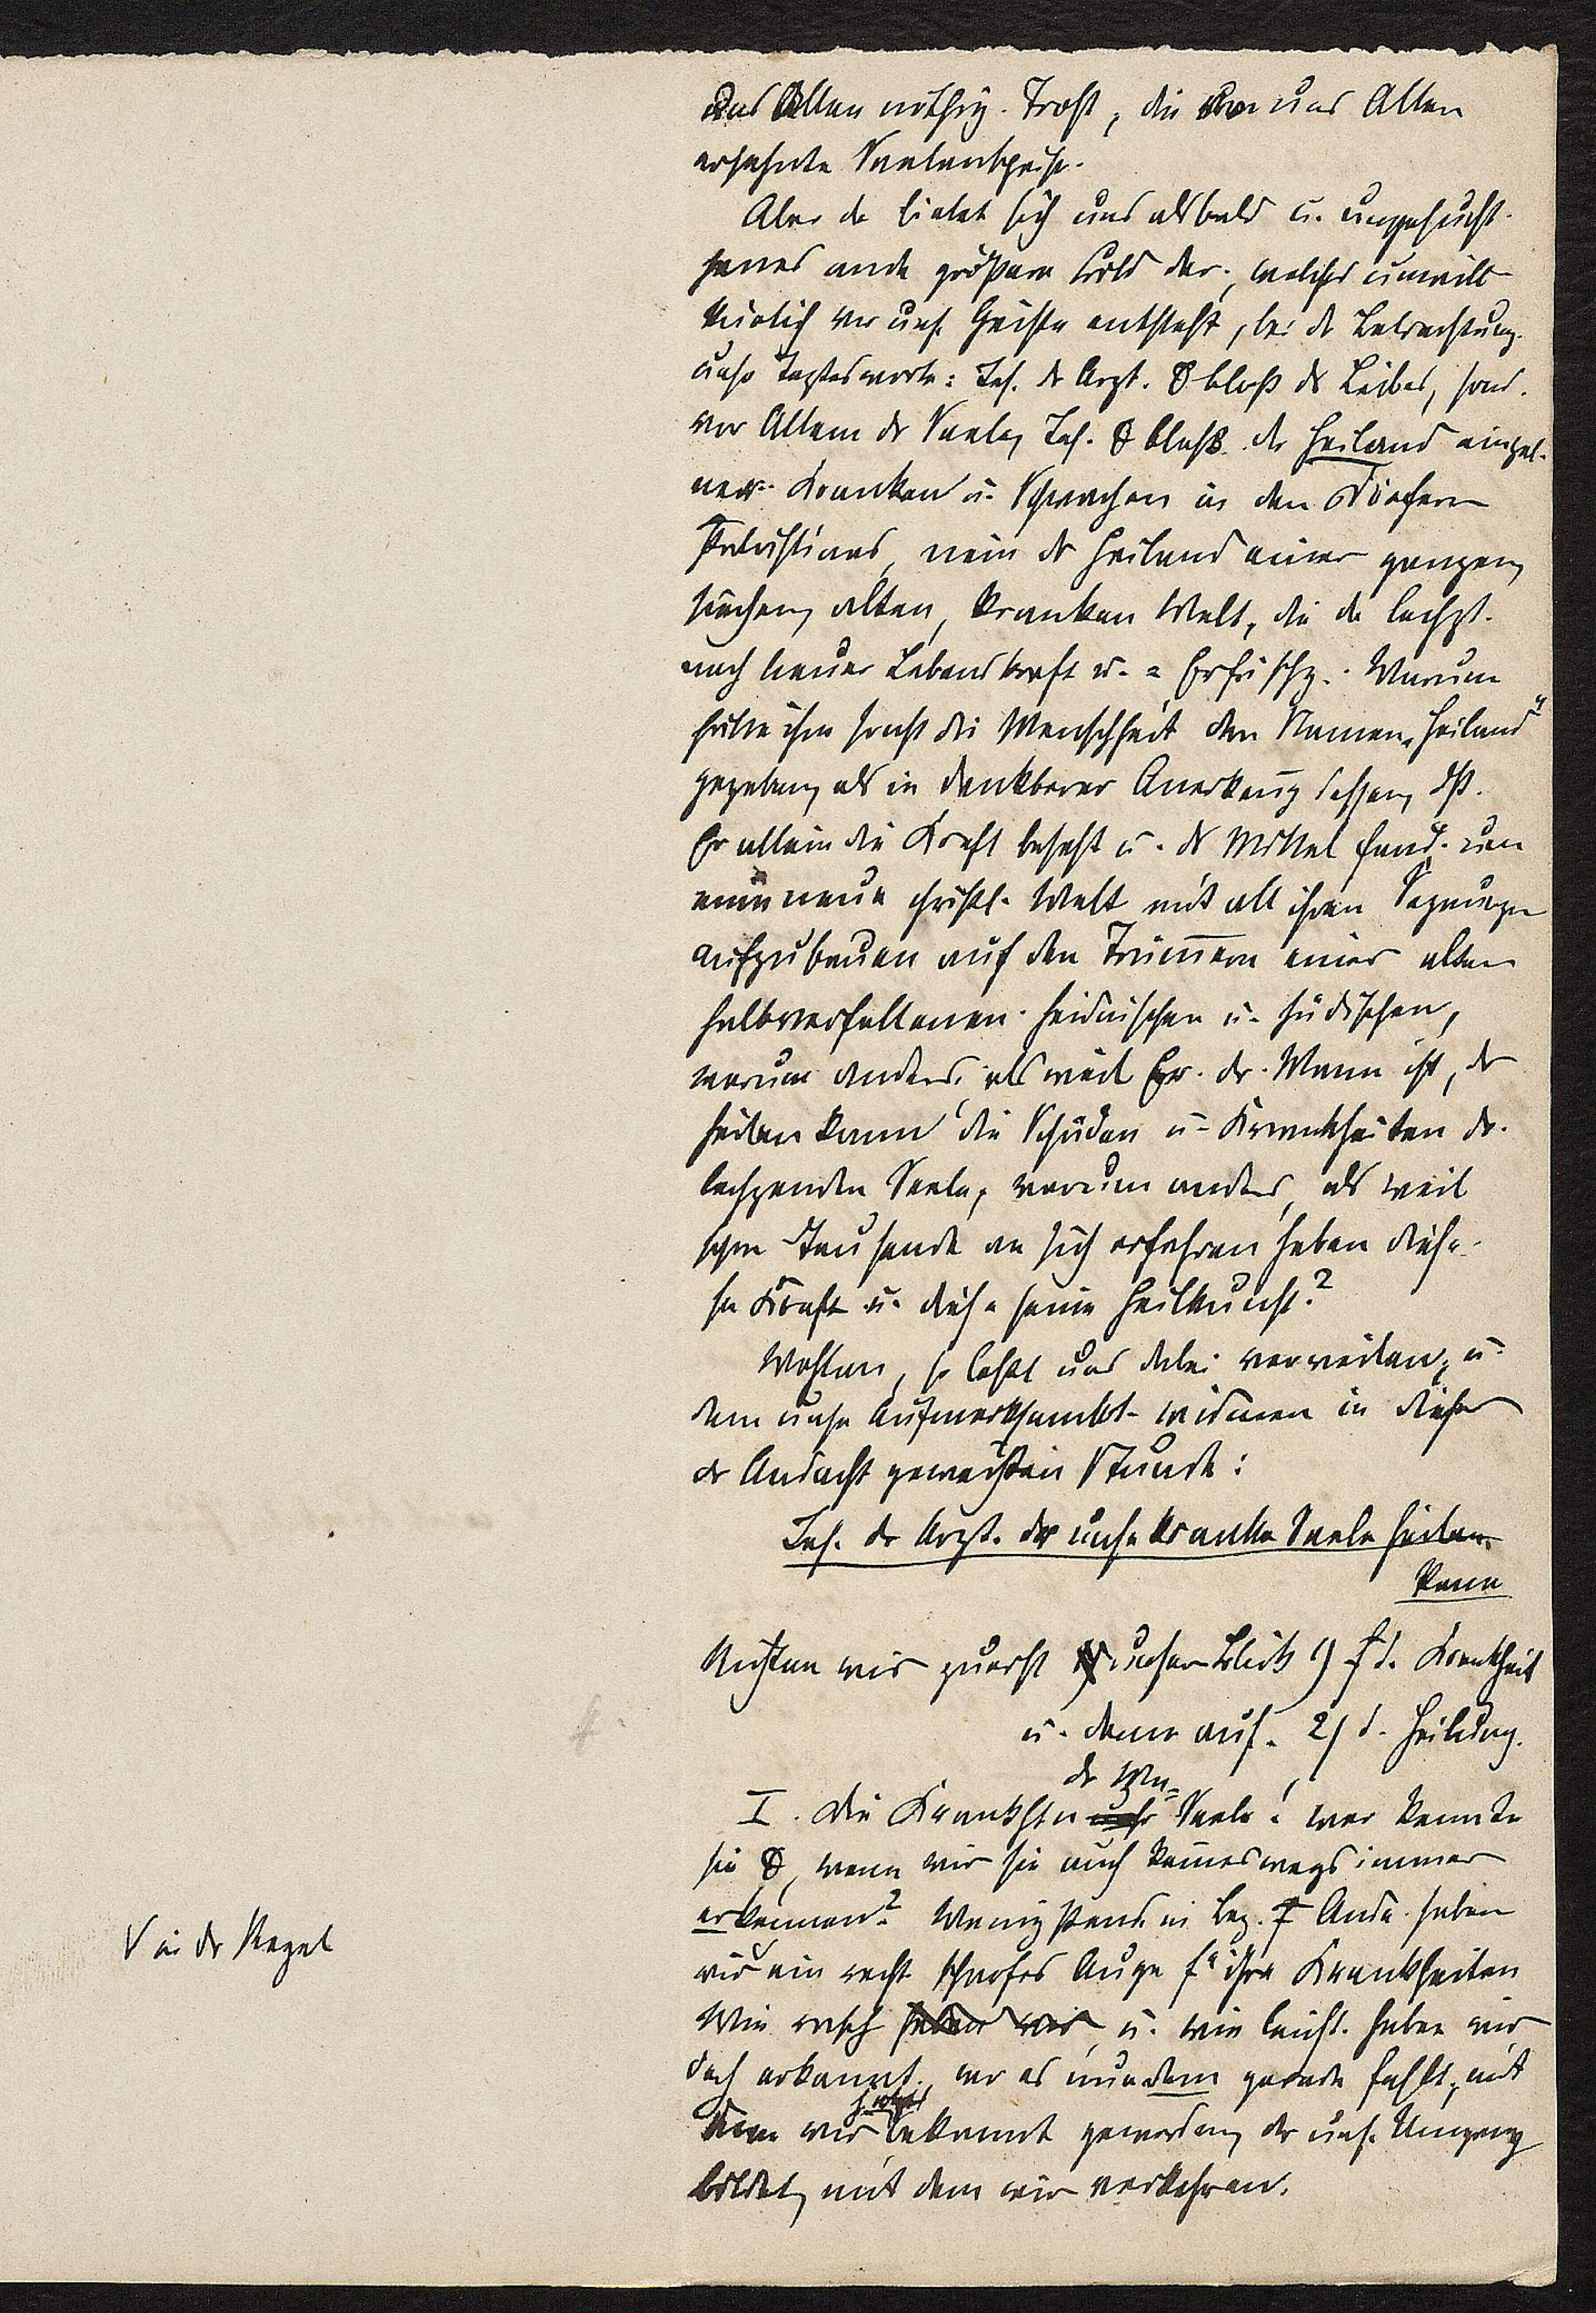in der Regel
uns Allen nöthig. Trost, die von uns Allen
ersehnte Seelenspeise.
Aber da bietet sich uns alsbald u ungesucht
jenes andr größere Bild dar; welches unwill¬
kürlich vor uns Geiste entsteht, bei der Betrachtung
unser Textesworte: Jes. dr Artz o bloß des Leibes, sond.
vor Allem der Seele, Jes o bloß der Heiland einzel¬
ner Kranken u. Schwachen in den Dörfern
Palästinas, mein der Heilend einer ganzen,
siechen, alten, kranken Welt, die da lechzt.
nach neuer Lebenskraft u.: Eerfrischg. Warum
hätte ihm sonst die Menschheit den Namen "Heiland"
gegeben, als in dankbarer Anerkennung dessen, daß.
Er allein die Kraft besest u. ds Mittel fand. um
eine neue christl. Welt mit all ihren Segnungen
aufzubauen auf den Trümern einer allen
halbverfallenen. heidnischen u. jüdischen,
warum anders, als weil Er. dr. Mann ist, der
heilen kann die Schäden u. Krankheiten dr.
lechzenden Seele, warum anders, als weil
schon Tausende an sich erfahren haben diese.
sn Kraft. u. diese seine Heilkunst?
Wohlan, so laßt uns dabei verweilen, u.
dem unse Aufmerksamkt. widmen in dieser
dr Andacht geweihten Stunde:
Jes. dr. Arzt der unsr kranke Seele heilen.
kann
Richten wir zuerst zu unserm Blick 1) f. Krankheit
u. dann auf. 2) d. Heilung
dr. Mn.
I. Die Krankhtn unsr. Seele! wer kennte
sie o, wenn wir sie auch keineswegs immer
erkennen? Wenigstens in Bez. f Ande heben
wir ein recht scharfes Auge f ihre Krankheiten
Wie rasch haben wir u. wie leicht. haben wird
doch erkannt, wo es nun dem gerade gehlt, mit
dem wir bekannt geworden, der uns. Umgang
bildet, mit dem wir verkehren.